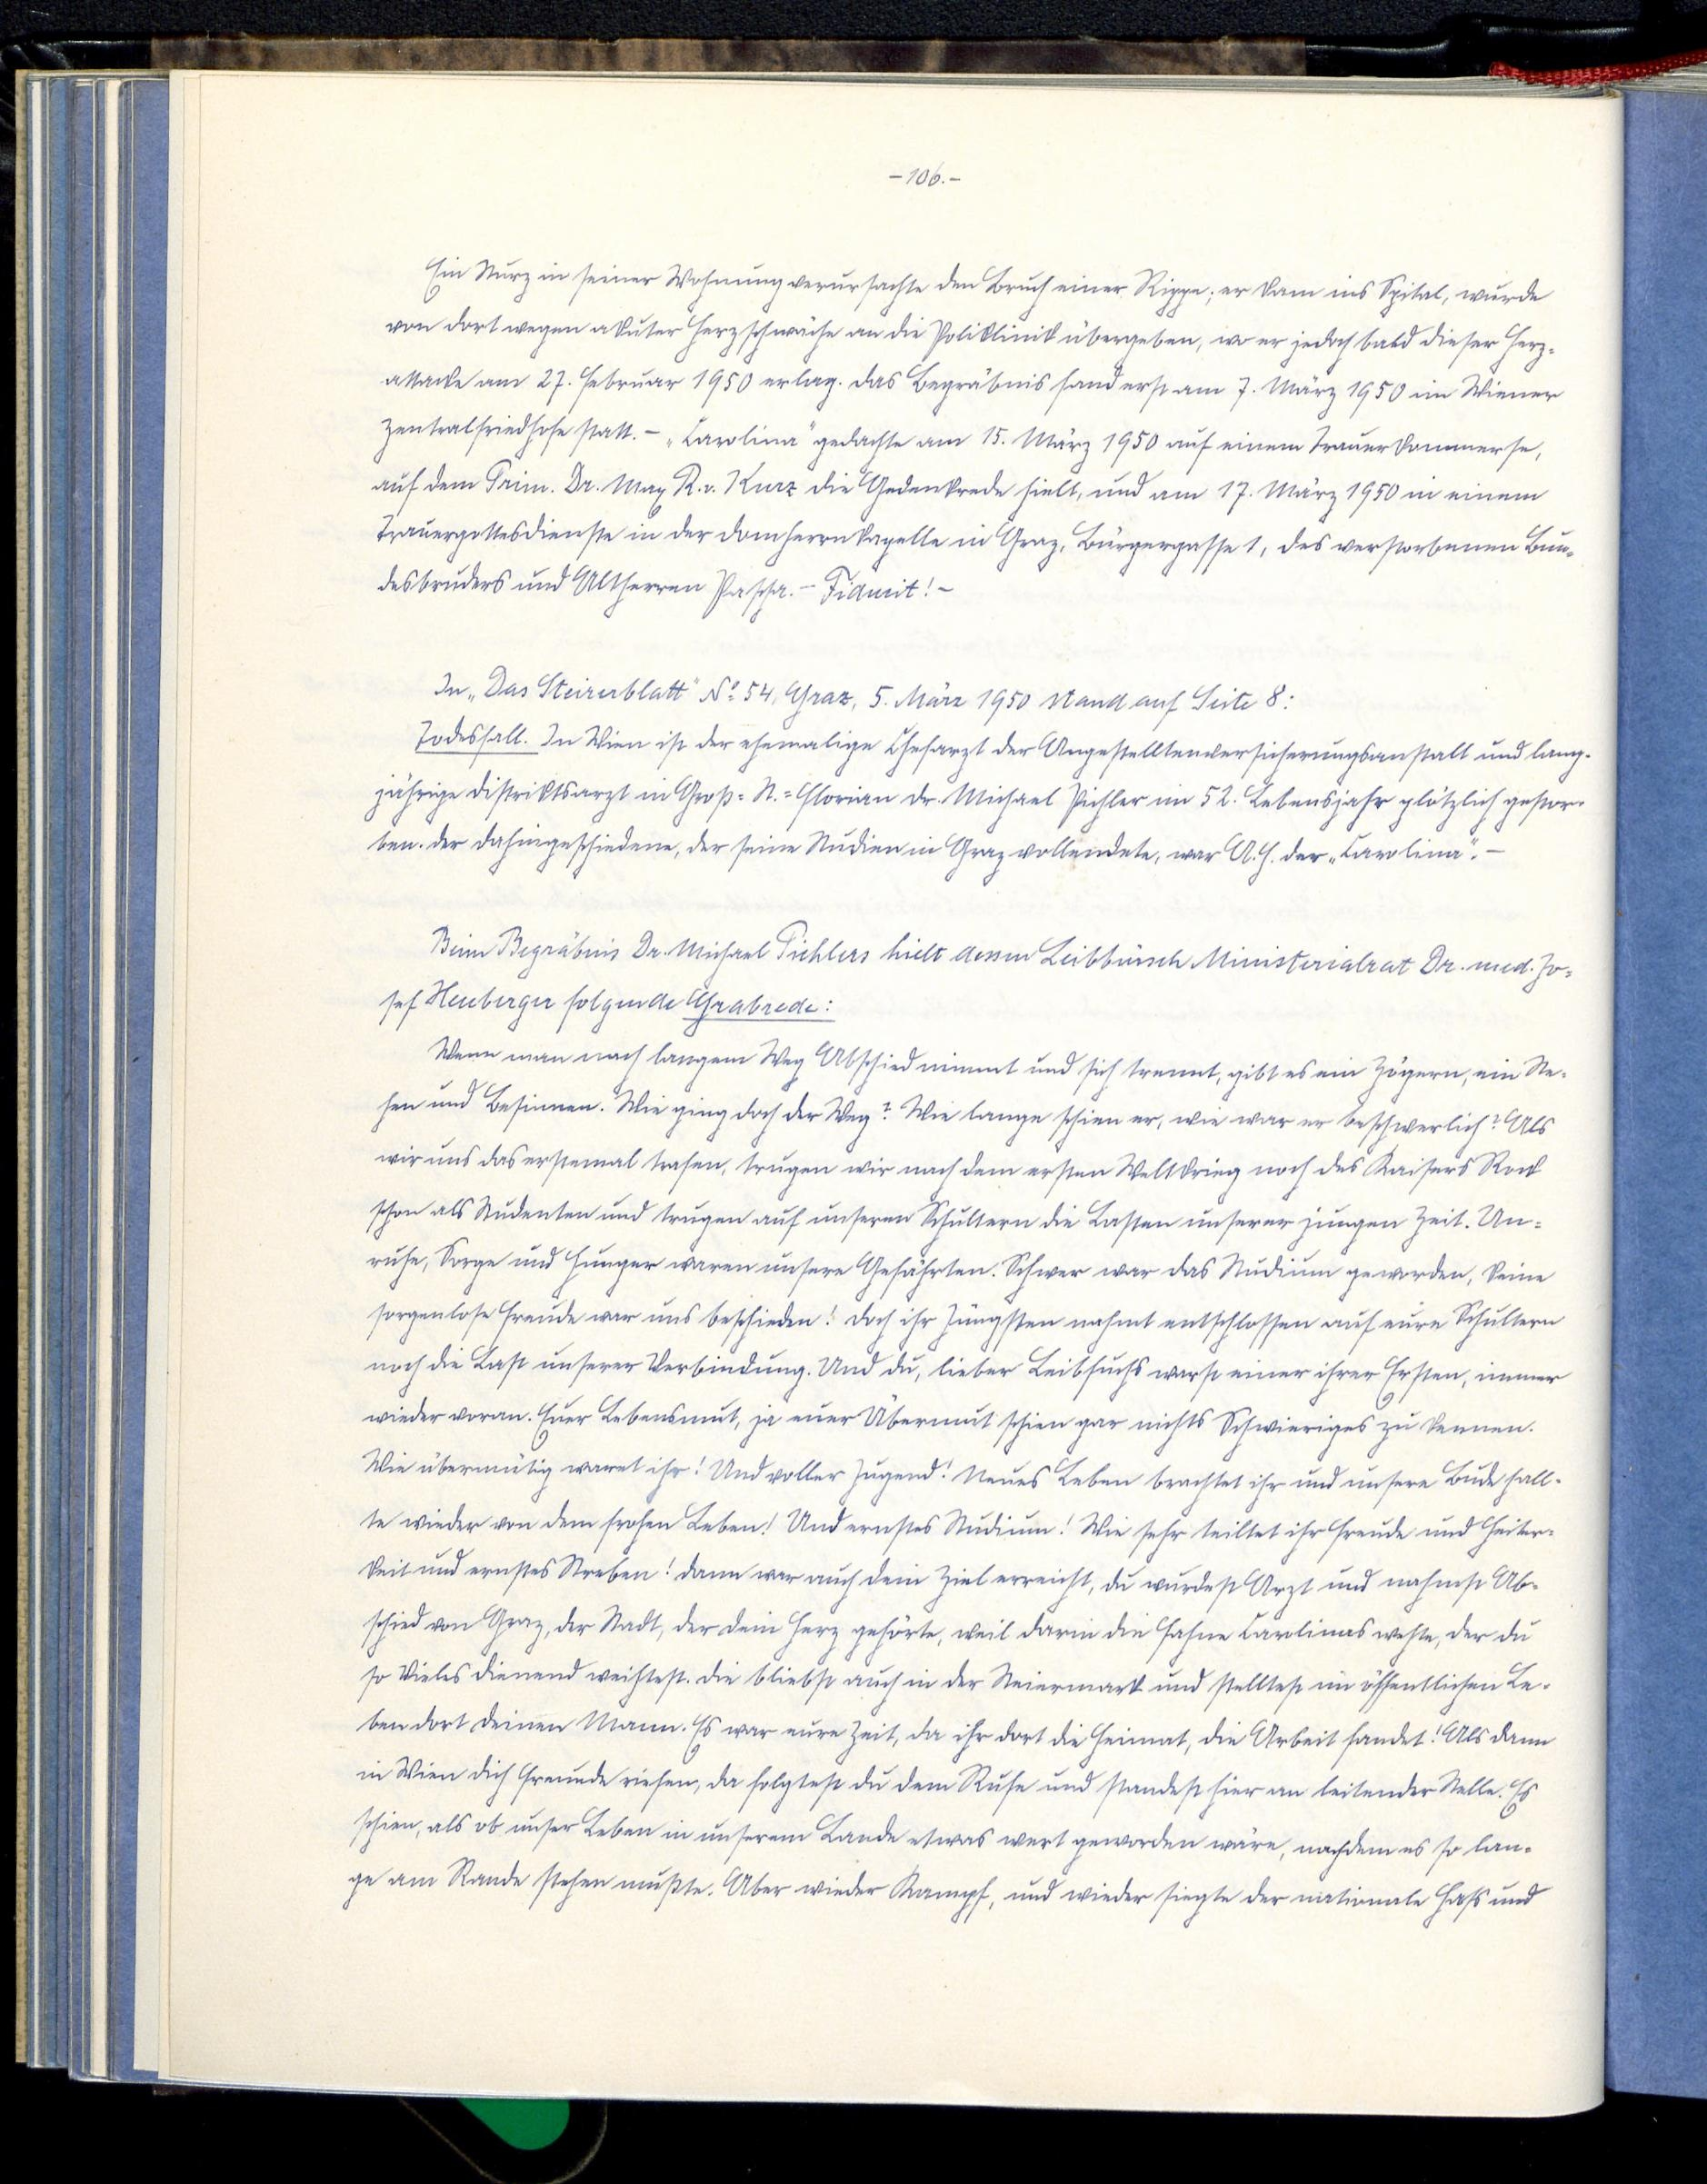106
Ein Sturz in seiner Wohnung verursachte den Bruch einer Rippe; er kam ins Spital, wurde
von dort wegen akuter Herzschwäche an die Poliklinik übergehen, wo er jedoch bald dieser Herz-
attacke am 27. Februar 1950 erlag. Das Begräbnis fand erst am 7. März 1950 im Wiener
Zentralfriedhofe statt. "Carolina“ gedachte am 15. März 1950 auf einem Trauerkommerse,
auf dem Prim. Dr. Max R. v. Kurz die Gedenkrede hielt, und am 17. März 1950 in einem
Trauergottesdienst in der Domherrnkapelle in Graz, Bürgergasse 1, des verstorbenen Bun-
desbruders und Altherren Pascha.- Fiducit!
In "Das Steirerblatt" Nr 54 Graz, 5. März 1950 stand auf Seite 8:
Todesfall. In Wien ist der ehemalige Chefarzt der Angestelltenversicherungsanstallt und lang-
jährige Distriktsarzt in Groß- St. Florian Dr. Michael Pichler im 52. Lebensjahr plötzlich gestor-
ben. Der Dahingeschiedene, der seine Studien in Graz vollendete, war AH der „Carolina“.-
Beim Begräbnis Dr. Michael Pichlers hielt dssen Leibbursch Ministerialat Dr. med. Jo-
sef Hamberger folgende Grabrede:
Wenn man nach langem Weg Abschied nimnmt und sich trennt, gibt es ein Zögern, ein Ste-
hen und Besinnen. Wie ging doch der Weg?. Wie lange schien er, wie war er beschwerlich? Als
wir uns das erstemal trafen, trugen wir nach dem ersten Weltkrieg noch des Kaisers Rock
schon als Studenten und trugen auf unseren Schultern die Lasten unserer jungen Zeit. Un-
ruhe, Sorge und Hunger waren unsere Gefährten. Schwer war das Studium geworden, keine
sorgenlose Freude war uns beschieden! Doch ihr Jüngsten nahmt entschlossen auf eure Schultern
noch die Last unserer Verbindung. Und du, lieber Leibfuchs warst einer ihrer Ersten, immer
wieder voran. Euer Lebensmut, ja euer Übermut schien gar nichts Schwieriges zu kennen.
Wie übermütig waret ihr! Und voller Jugend. Neues Leben brachte ihr und unsere Bunde hall-
te wieder von dem frohen Leben! Und ernstes Studium! Wie sehr teiltet ihr Freude und Heiter-
keit und ernstes Streben! Dann war auch dein Ziel erreicht, du wurdest Arzt und nahmst Ab-
schied von Graz, der Stadt, der Dein Herz gehörte, weil darin die Fahne Carolinas wehte, der du
so vieles dienend weihtest. Du bliebst auch in der Steiermark und stelltest im öffentlichen Le-
ben dort deinen Mann. Es war eure Zeit, da ihr dort die Heimat, die Arbeit fandet! Als dann
in Wien dich Freunde riefen, da folgtest du dem Rufe und standest hier an leitender Stelle . Es
schien, als ob unser Leben in unserem Lande etwas wert geworden wäre, nachdem es so lan-
ge am Rand stehen musste. Aber wieder Kampf, und wieder siegte der nationale Hass und